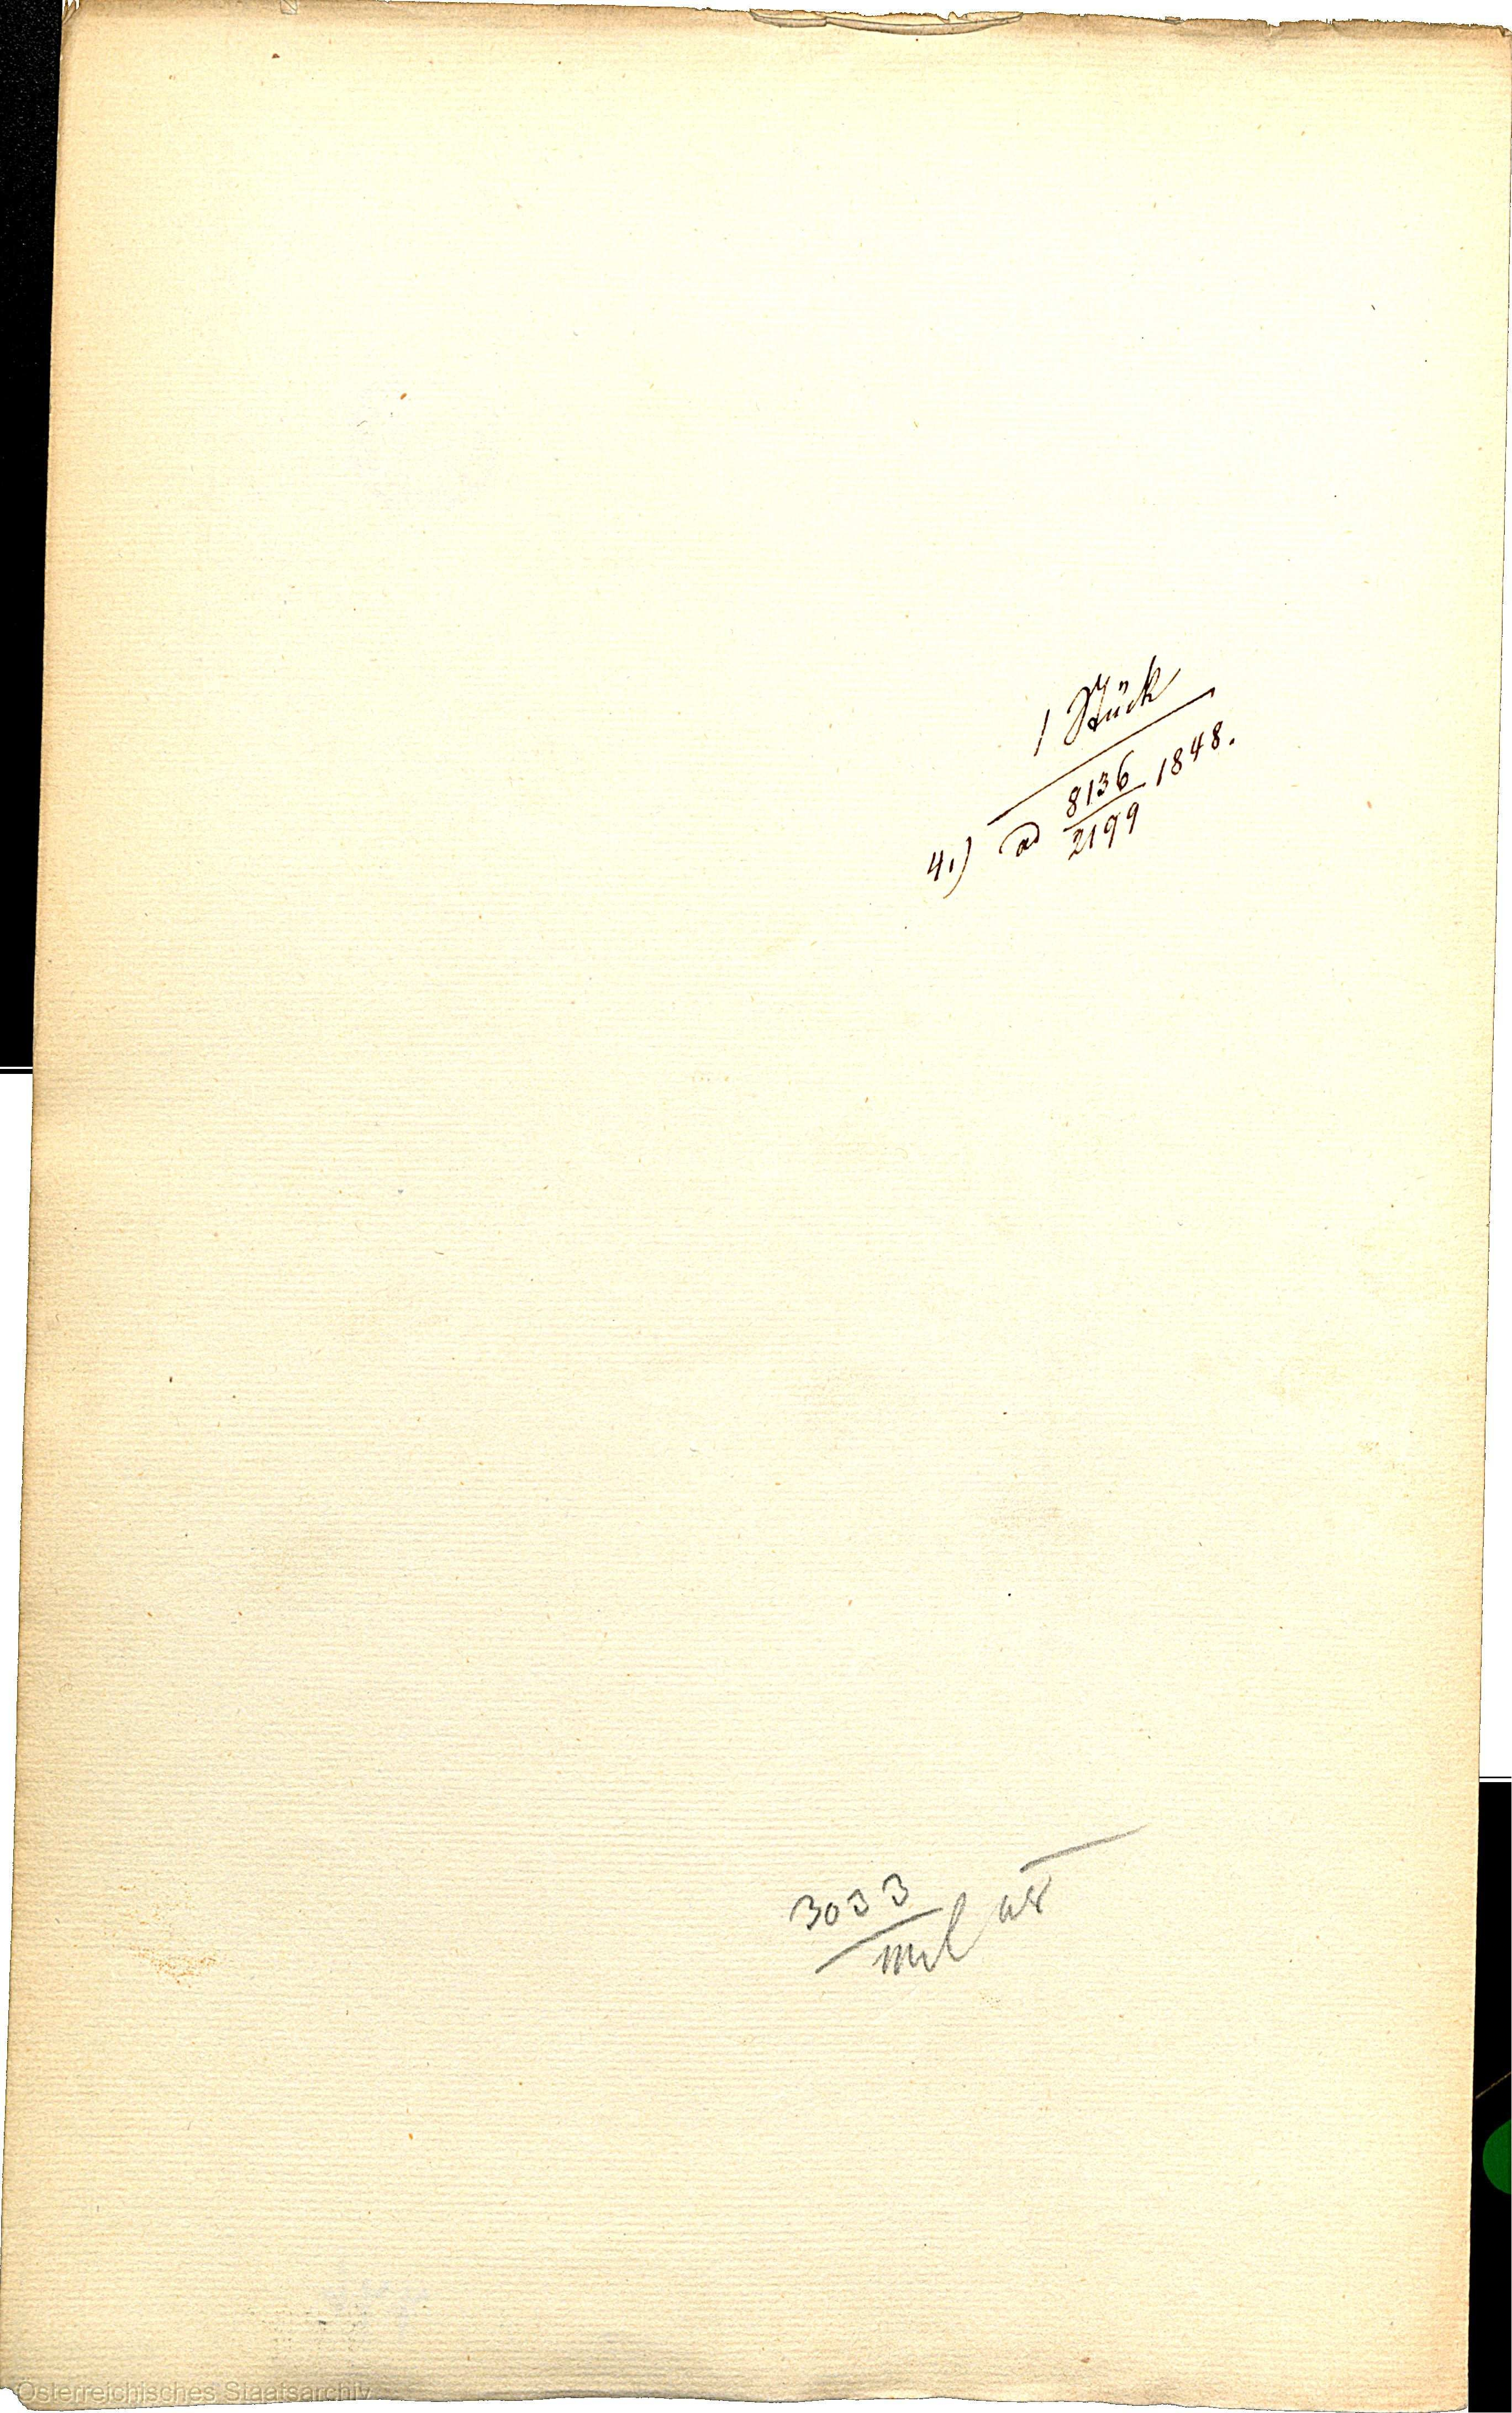1 Stück
4.) ad 8136/2199 1848.
3033
M R 48